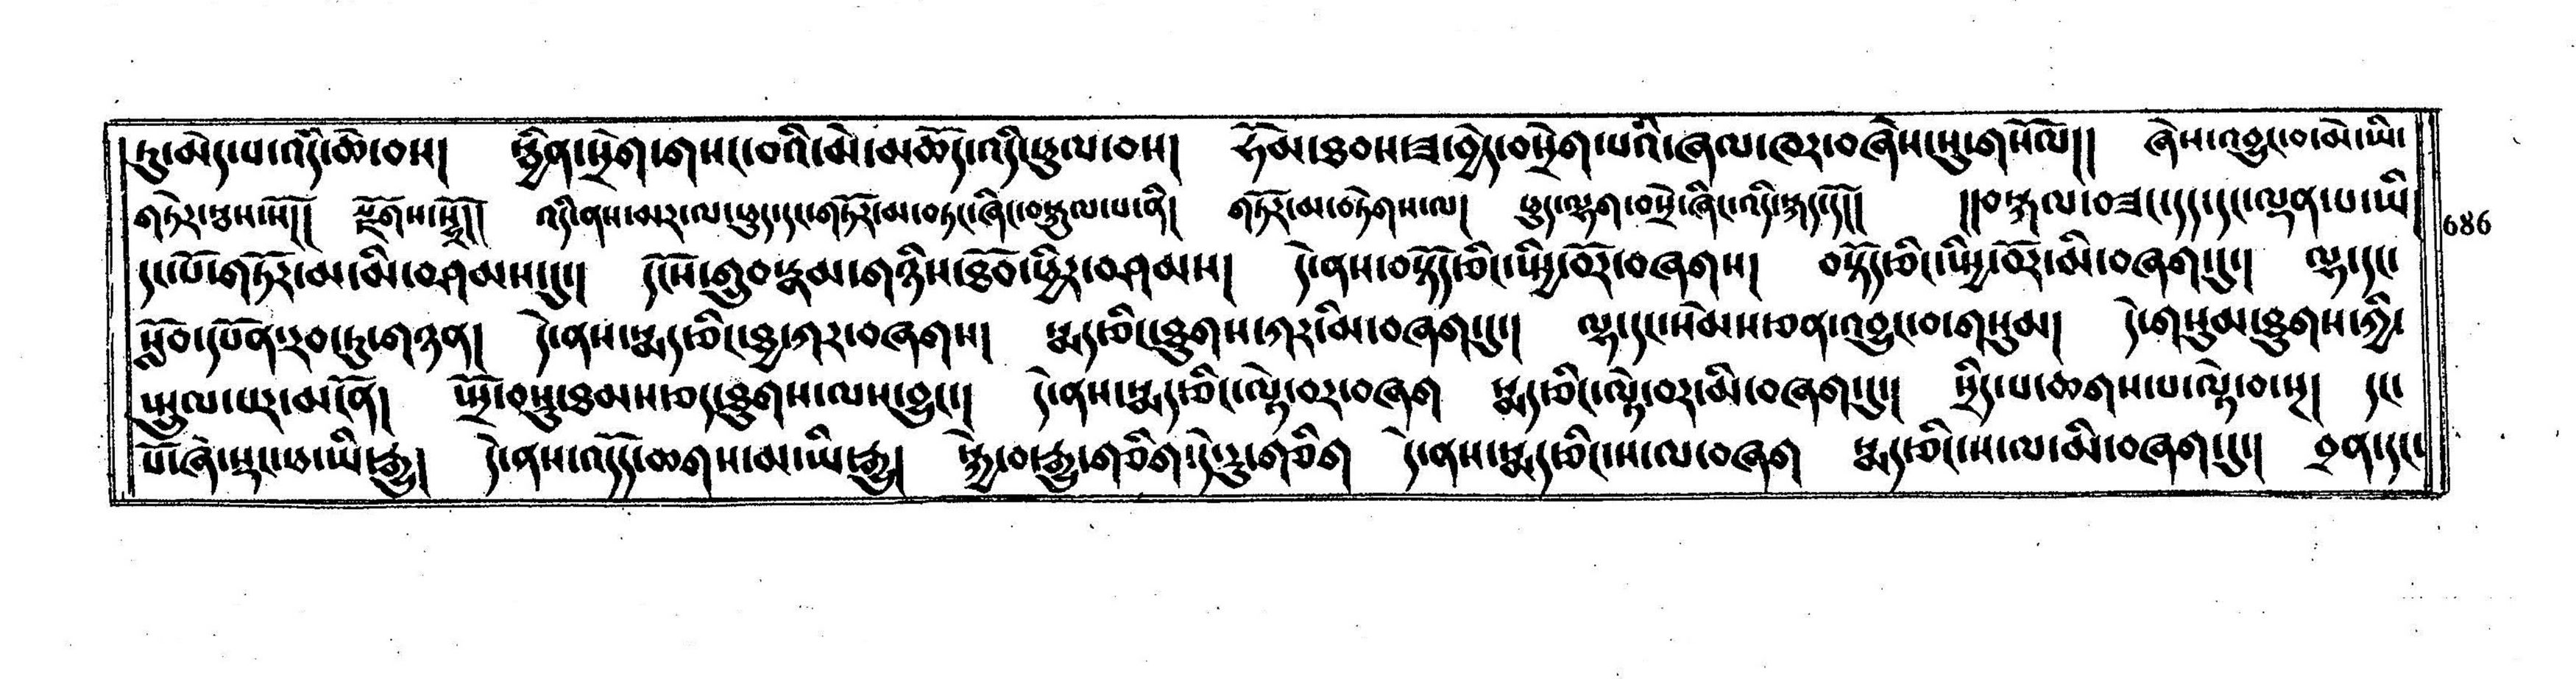ཏུ་མེད་པ་འདམ་ཆེ་བས། སྦྱིན་སྲེག་གསང་བའི་མེ་མཆོད་འདི་ཕུལ་བས། ཧོམ་ཐབས་ཟ་བྱེད་བསྲེག་པའི་ཞལ་ཁར་བཞེས་སུ་གསོལ།། ཞེས་འབྱུང་བ་མེ་ཡི་
གཏེར་སྦས་སོ།། རྫོགས་སྷཱོ།། འདི་ནས་མར་ལ་ཕུད་དང་གཏོར་མ་བཏང་ཞིང་བསྐུལ་པ་ནི། གཏོར་མ་བཏེགས་ལ། ཕུད་ལྷག་བསྲེ་ཞིང་འདི་སྐད་དོ།། །།བསྐལ་བཟང་དད་དང་ལྡན་པ་ཡི། 
དང་པོ་གཏོར་མ་མི་བཤམས་དུ། དངོས་གྲུབ་རྣམ་གཉིས་ཐོབ་ཕྱིར་བཤམས། དེ་ནས་བསྟོད་ཅིང་སྤྱི་བོར་བཞགས། བསྟོད་ཅིང་སྤྱི་བོར་མི་བཞག་དུ། ལྷ་དང་
སློབ་དཔོན་རབ་ཏུ་གཉན། དེ་ནས་སྨད་ཅིང་ཐུགས་ཀར་བཞགས། སྨད་ཅིང་ཐུགས་ཀར་མི་བཞག་དུ། ལྷ་དང་སེམས་ཅན་འབྱུང་བ་གསུམ། དེ་གསུམ་ཐུགས་ཀྱི་
སྤྲུལ་པར་མངོན། སྤྲོ་བསྡུ་ཐམས་ཅད་ཐུགས་ལས་བྱུང་། དེ་ནས་སྨད་ཅིང་ལྟེ་བར་བཞག སྨད་ཅིང་ལྟེ་བར་མི་བཞག་དུ། སྲིད་པ་ཆགས་པ་ལྟེ་བ་སྔ། དང་
པོ་ཞེ་སྡང་ཕ་ཡི་རྒྱུ། དེ་ནས་འདོད་ཆགས་མ་ཡི་རྒྱུ། སྐྱེ་བ་རྒྱུ་གཅིག་དེ་རུ་གཅིག དེ་ནས་སྨད་ཅིང་ས་ལ་བཞག སྨད་ཅིང་ས་ལ་མི་བཞག་དུ། བྲན་དང་